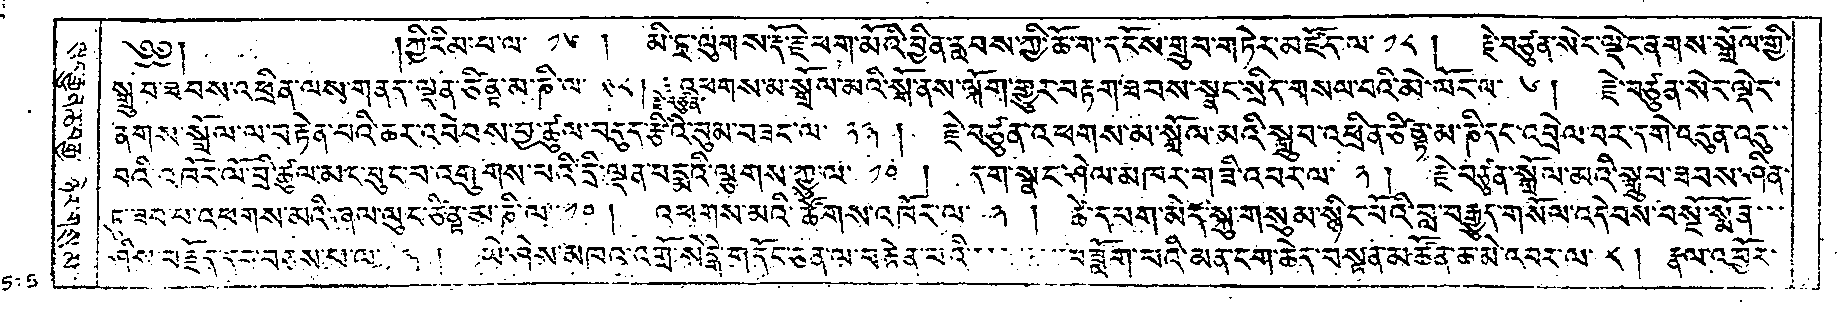༄༅། །ཀྱི་རིམ་པ་ལ ༡༦། མི་ཏྲ་ལུགས་རྡོ་རྗེ་ཕག་མོའི་བྱིན་རླབས་ཀྱི་ཆོ་ག་དངོས་གྲུབ་གཏེར་མཛོད་ལ ༡༨། རྗེ་བཙུན་སེང་ལྡེང་ནགས་སྒྲོལ་གྱི་
སྒྲུབ་ཐབས་འཕྲིན་ལས་གནད་ལྡན་ཙིནྟ་མ་ཎི་ལ ༤༨། རྗེ་བཙུན་འཕགས་མ་སྒྲོལ་མའི་སྒོ་ནས་ལྐོག་གྱུར་བརྟག་ཐབས་སྣང་སྲིད་གསལ་བའི་མེ་ལོང་ལ ༦། རྗེ་བཙུན་སེང་ལྡེང་
ནགས་སྒྲོལ་ལ་བརྟེན་པའི་ཆར་འབེབས་བྱ་ཚུལ་བདུད་རྩིའི་བུམ་བཟང་ལ ༢༣། རྗེ་བཙུན་འཕགས་མ་སྒྲོལ་མའི་སྒྲུབ་འཕྲིན་ཙིནྟ་མ་ཎི་དང་འབྲེལ་བར་དགེ་འདུན་འདུ་
བའི་འཁོར་ལོ་བྲི་ཚུལ་མང་བུང་བ་འགུགས་པའི་དྲི་ལྡན་པདམའི་ལྕགས་ཀྱུ་ལ ༡༠། དག་སྣང་ཤེལ་མཁར་གཟི་འབར་ལ ༢། རྗེ་བཙུན་སྒྲོལ་མའི་སྒྲུབ་ཐབས་ཤིན་
ཏུ་ཟབ་པ་འཕགས་མའི་ཞལ་ལུང་ཙིནྟ་མ་ཎི་ལ ༡༠། འཕགས་མའི་ཚོགས་འཁོར་ལ ༢། ཚེ་དཔག་མེད་སྐུ་གསུམ་སྙིང་པོའི་བླ་བརྒྱུད་གསོལ་འདེབས་བསྔོ་སྨོན་
ཤིས་བརྗོད་དང་བཅས་པ་ལ ༣། ཡེ་ཤེས་མཁའ་འགྲོ་སེངྒེ་གདོང་ཅན་ལ་བརྟེན་པའི་བཟློག་པའི་མན་ངག་ཆེད་བསྟན་མཚོན་ཆ་མེ་འབར་ལ ༨། རྣལ་འབྱོར་